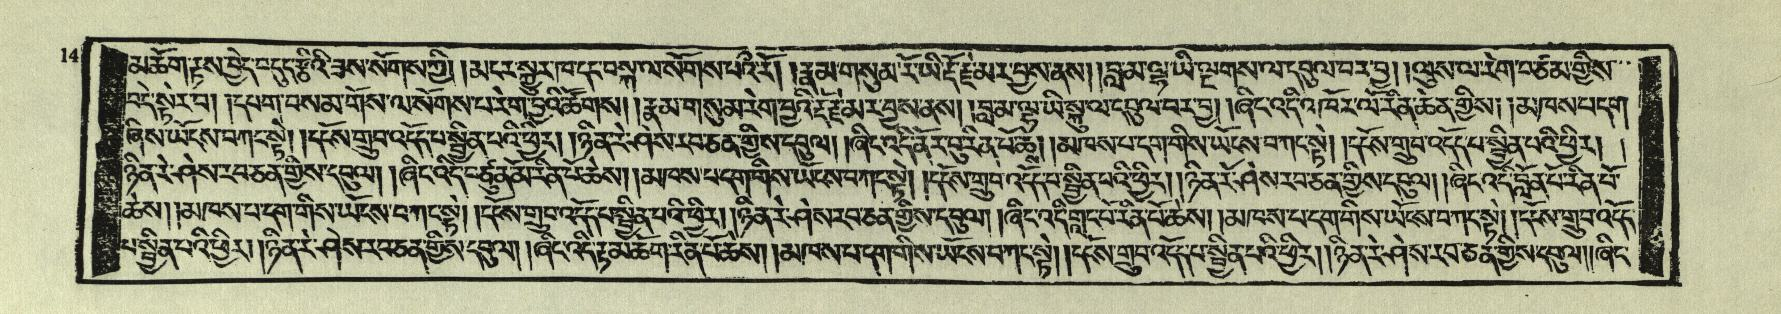མཆོག་རྟས་བྱེད་བདུད་རྩིའི་ཟས་སོགས་ཀྱི། །མངར་སྐྱུར་ཁ་དང་བསྐ་ལ་སོགས་པཱྀ་རོ། །རྣམ་གསུམ་རོ་ཡི་རྡོ་རྗེ་མར་བྱས་ནས། །བླ་མ་ལྷ་ཡི་ལྔགས་ལ་དབུལ་བར་བྱ། །ལུས་ལ་རེག་པ་ཙམ་གྱིས་
བདེ་སྟེར་བ། །དཔག་བསམ་གོས་ལ་སོགས་པ་རེག་བྱའི་ཚོགས། །རྣམ་གསུམ་རེག་བྱའི་རྡོ་རྗེ་མར་བྱས་ནས། །བླ་མ་ལྷ་ཡི་སྐུ་ལ་དབུལ་བར་བྱ། །ཞིང་འདི་འཁོར་ལོ་རིན་ཆེན་གྱིས། །མཁས་པ་དག་
ཞིས་ཡོངས་བཀང་སྟེ། །དངོས་གྲུབ་འདོད་པ་སྦྱིན་པའི་ཕྱིར། །ཉིན་རེ་ཤེས་རབ་ཅན་གྱིས་དབུལ། །ཞིང་འདི་ནོར་བུ་རིན་པོ་ཆེས། །མཁས་པ་དག་གིས་ཡོངས་བཀང་སྟེ། །དངོས་གྲུབ་འདོད་པ་སྦྱིན་པའི་ཕྱིར། །
ཉིན་རེ་ཤེས་རབ་ཅན་གྱིས་དབུལ། །ཞིང་འདི་བཙུན་མོ་རིན་པོ་ཆེས། །མཁས་པ་དག་གིས་ཡོངས་བཀང་སྟེ། །དངོས་གྲུབ་འདོད་པ་སྦྱིན་པའི་ཕྱིར། །ཉིན་རོ་ཤེས་རབ་ཅན་གྱིས་དབུལ། །ཞིང་འདི་བློན་པོ་རིན་པོ་
ཆེས། །མཁས་པ་དག་གིས་ཡོངས་བཀང་སྟེ། །དངོས་གྲུབ་འདོད་པ་སྦྱིན་པའི་ཕྱིར། །ཉིན་རེ་ཤེས་རབ་ཅན་གྱིས་དབུལ། །ཞིང་འདི་གླང་པོ་རིན་པོ་ཆེས། །མཁས་པ་དག་གིས་ཡོངས་བཀང་སྟེ། །དངོས་གྲུབ་འདོད་
པ་སྦྱིན་པའི་ཕྱིར། །ཉིན་རེ་ཤེས་རབ་ཅན་གྱིས་དབུལ། །ཞིང་འདི་རྟ་མཆོག་རིན་པོ་ཆེས། །མཁས་པ་དག་གིས་ཡོངས་བཀང་སྟེ། །དངོས་གྲུབ་འདོད་པ་སྦྱིན་པའི་ཕྱིར། །ཉིན་རེ་ཤེས་རབ་ཅན་གྱིས་དབུལ། །ཞིང་